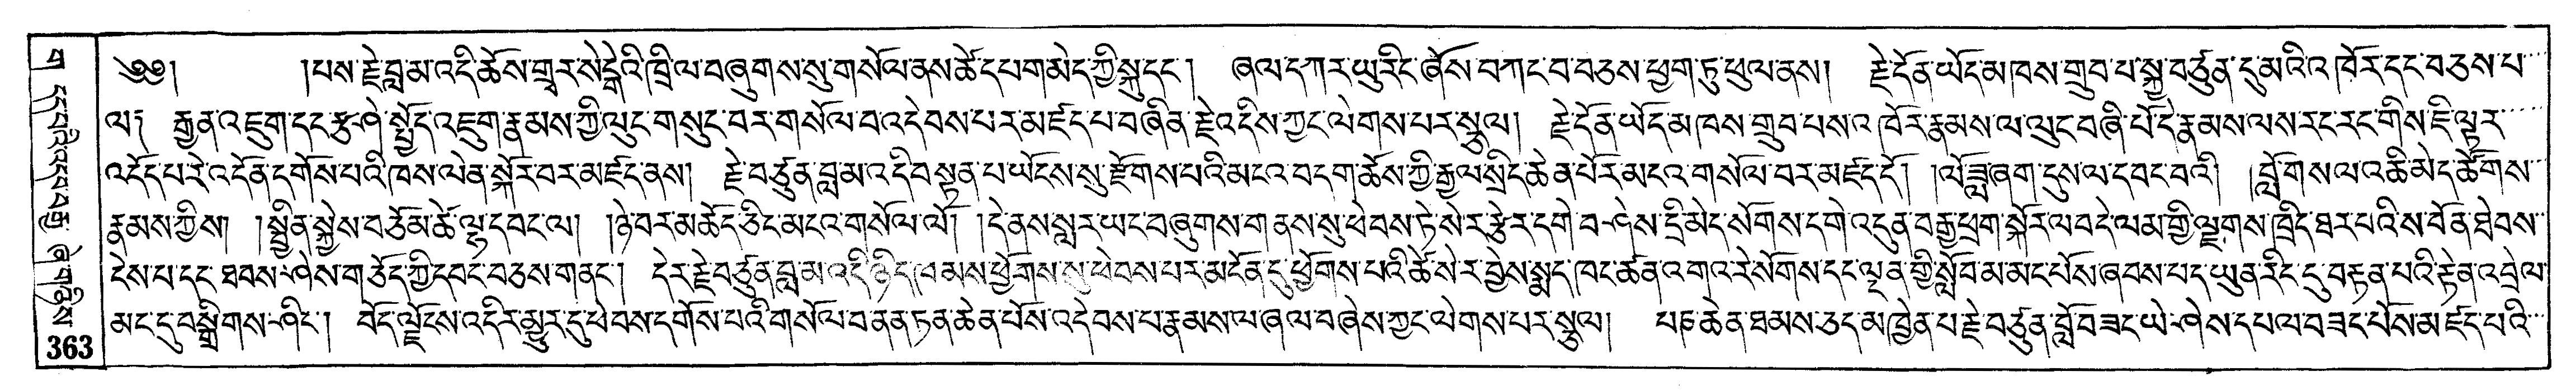༄༅། །པས་རྗེ་བླ་མ་འདི་ཆོས་གྲྭར་སེངྒེའི་ཁྲིལ་བཞུགས་སུ་གསོལ་ནས་ཚེ་དཔག་མེད་ཀྱི་སྐུ་དང་། ཞལ་དཀར་ཡུ་རིང་ཞོས་བཀང་བ་བཅས་ཕྱག་ཏུ་ཕུལ་ནས། རྗེ་དོན་ཡོད་མཁས་གྲུབ་པ་སྐྱ་བཙུན་དུ་མའི་འཁོར་དང་བཅས་པ་
ལ༑ རྒྱན་འཇུག་དང་རྩ་ཤེ་སྤྱོད་འཇུག་རྣམས་ཀྱི་ལུང་གསུང་བར་གསོལ་བ་འདེབས་པར་མཛད་པ་བཞིན་རྗེ་འདིས་ཀྱང་ལེགས་པར་སྩལ། རྗེ་དོན་ཡོད་མཁས་གྲུབ་པས་འཁོར་རྣམས་ལ་ལུང་བཞི་པོ་དེ་རྣམས་ལས་རང་རང་གིས་ཇི་ལྟར་
འདོད་པ་རེ་འདོན་དགོས་པའི་ཁས་ལེན་སྐོར་བར་མཛད་ནས། རྗེ་བཙུན་བླ་མ་འདི་བསྟན་པ་ཡོངས་སུ་རྫོགས་པའི་མངའ་བདག་ཆོས་ཀྱི་རྒྱལ་སྲིད་ཆེན་པོར་མངའ་གསོལ་བར་མཛད་དོ། །ལོ་ཟླ་ཞག་དུས་ལ་དབང་བའི། །བློ་གསལ་འཆི་མེད་ཚོགས་
རྣམས་ཀྱིས། །སྦྱིན་སྐྱེས་བཅོམ་ཚེ་ལྷ་དབང་ལ། །ཉེ་བར་མཆོད་ཅིང་མངའ་གསོལ་ལོ། །དེ་ནས་སླར་ཡང་བཞུགས་གནས་སུ་ཕེབས་ཏེ་སེར་རྩེར་དགེ་བཤེས་དྲི་མེད་སོགས་དགེ་འདུན་བརྒྱ་ཕྲག་སྐོར་ལ་བདེ་ལམ་གྱི་ལྗགས་ཁྲིད་ཐར་པའི་ས་བོན་ཐེབས་
ངེས་པ་དང་ཐབས་ཤེས་གཅོད་ཀྱི་དབང་བཅས་གནང་། དེར་རྗེ་བཙུན་བླ་མ་འདི་ཉིད་ཁམས་ཕྱོགས་སུ་ཕེབས་པར་མངོན་དུ་ཕྱོགས་པའི་ཚེ་སེར་བྱེས་སྨད་ཁང་ཚན་འགའ་རེ་སོགས་དད་ལྡན་གྱི་སློབ་མ་མང་པོས་ཞབས་པད་ཡུན་རིང་དུ་བརྟན་པའི་རྟེན་འབྲེལ་
མང་དུ་བསྒྲིགས་ཤིང་། བོད་ལྗོངས་འདིར་མྱུར་དུ་ཕེབས་དགོས་པའི་གསོལ་བ་ནན་ཏན་ཆེན་པོས་འདེབས་པ་རྣམས་ལ་ཞལ་བཞེས་ཀྱང་ལེགས་པར་སྩལ། པཎ་ཆེན་ཐམས་ཅད་མཁྱེན་པ་རྗེ་བཙུན་བློ་བཟང་ཡེ་ཤེས་དཔལ་བཟང་པོས་མཛད་པའི་